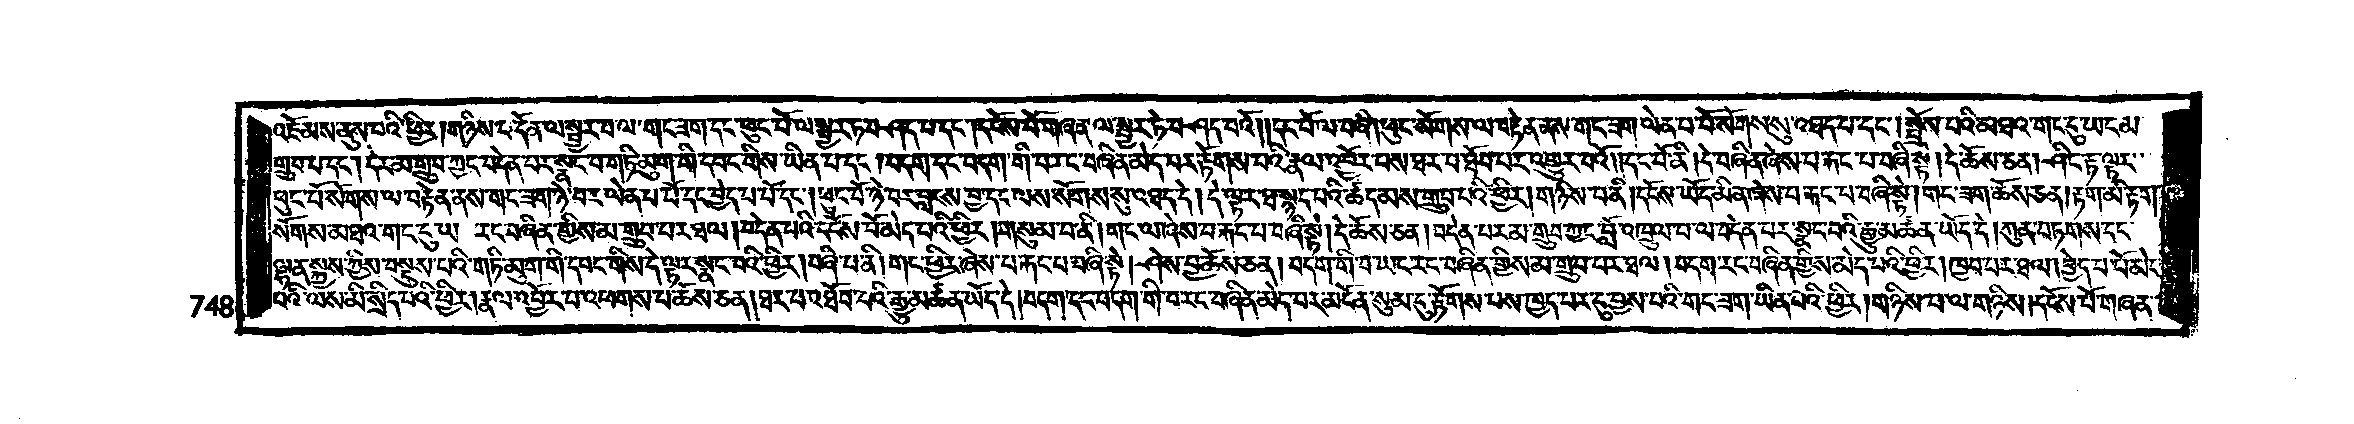འཇོམས་ནུས་པའི་ཕྱིར། གཉིས་པ་དོན་ལ་སྦྱར་བ་ལ་གང་ཟག་དང་ཕུང་པོ་ལ་སྦྱར་ཏེ་བཤད་པ་དང་། དངོས་པོ་གཞན་ལ་སྦྱར་ཏེ་བཤད་པའོ། །དང་པོ་ལ་བཞི། ཕུང་སོགས་ལ་བརྟེན་ནས་གང་ཟག་ལེན་པ་བོ་སོགས་སུ་འཐད་པ་དང་། སྤྲོས་པའི་མཐའ་གང་དུ་ཡང་མ་
གྲུབ་པ་དང་། དེར་མ་གྲུབ་ཀྱང་བདེན་པར་སྣང་བ་གཏི་མུག་གི་དབང་གིས་ཡིན་པ་དང་། བདག་དང་བདག་གི་པ་རང་བཞིན་མེད་པར་རྟོགས་པའི་རྣལ་འབྱོར་བས་ཐར་པ་ཐོབ་པར་འགྱུར་བའོ། །དང་པོ་ནི། དེ་བཞིན་ཞེས་པ་རྐང་པ་བཞི་སྟེ། དེ་ཆོས་ཅན། ཤིང་རྟ་ལྟར་
ཕུང་པོ་སོགས་ལ་བརྟེན་ནས་གང་ཟག་ཉེ་བར་ལེན་པ་པོ་དང་བྱེད་པ་པོ་དང་། ཕུང་པོ་ཉེ་བར་བླངས་བྱ་དང་ལས་སོགས་སུ་འཐད་དེ། དེ་ལྟར་ཐ་སྙད་པའི་ཚད་མས་གྲུབ་པའི་ཕྱིར། གཉིས་པ་ནི། དངོས་ཡོད་མིན་ཞེས་པ་རྐང་པ་བཞི་སྟེ། གང་ཟག་ཆོས་ཅན། རྟག་མི་རྟག་
སོགས་མཐའ་གང་དུ་ཡ་རང་བཞིན་གྱིས་མ་གྲུབ་པར་ཐལ། བདེན་པའི་དངོས་པོ་མེད་པའི་ཕྱིར། གསུམ་པ་ནི། གང་ལ་ཞེས་པ་རྐང་པ་བཞི་སྟེ། དེ་ཆོས་ཅན། བདེན་པར་མ་གྲུབ་ཀྱང་བློ་འཁྲུལ་བ་ལ་བདེན་པར་སྣང་བའི་རྒྱུ་མཚན་ཡོད་དེ། ཀུན་བཏགས་དང་
ལྷན་སྐྱེས་ཀྱིས་བསྡུས་པའི་གཏི་མུག་གི་དབང་གིས་དེ་ལྟར་སྣང་བའི་ཕྱིར། བཞི་པ་ནི། གང་ཕྱིར་ཞེས་པ་རྐང་པ་བཞི་སྟེ། ཤེས་བྱ་ཆོས་ཅན། བདག་གི་བ་ཡང་རང་བཞིན་གྱིས་མ་གྲུབ་པར་ཐལ། བདག་རང་བཞིན་གྱིས་མེད་པའི་ཕྱིར། ཁྱབ་པར་ཐལ། བྱེད་པ་པོ་མེད་
པའི་ལས་མི་སྲིད་པའི་ཕྱིར། རྣལ་འབྱོར་པ་འཕགས་པ་ཆོས་ཅན། ཐར་པ་འཐོབ་པའི་རྒྱུ་མཚན་ཡོད་དེ། བདག་དང་བདག་གི་བ་རང་བཞིན་མེད་པར་མངོན་སུམ་དུ་རྟོགས་པས་ཁྱད་པར་དུ་བྱས་པའི་གང་ཟག་ཡིན་པའི་ཕྱིར། གཉིས་པ་ལ་གཉིས། དངོས་པོ་གཞན་